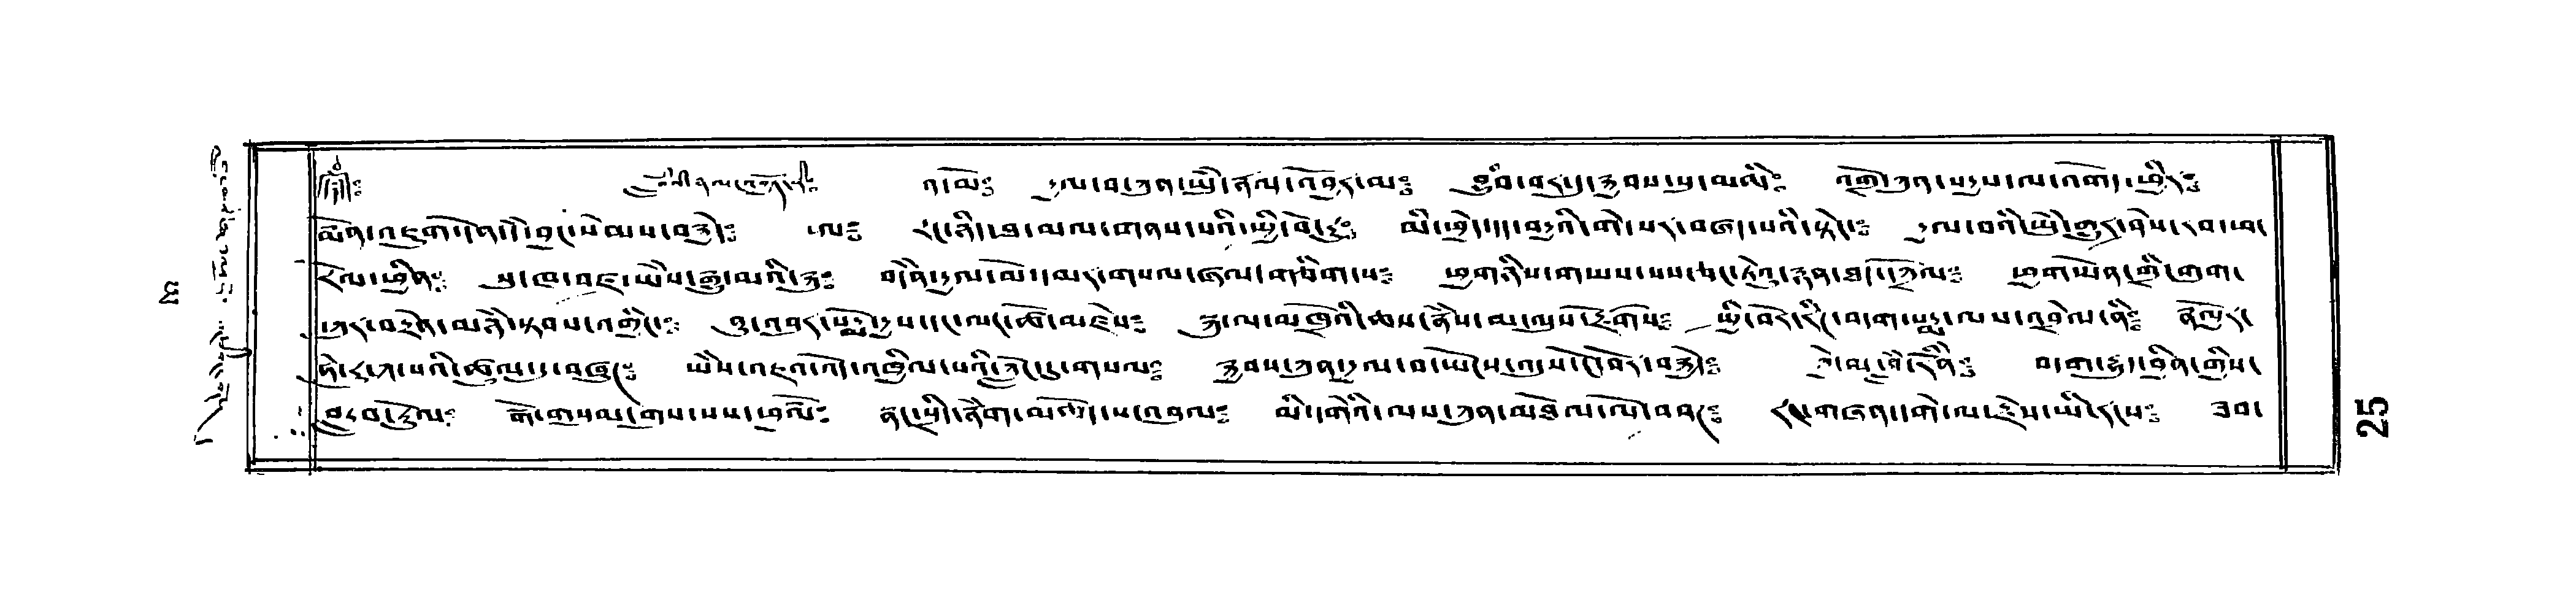བླ་མའི་རྣལ་འབྱོར་ནི༔ ན་མོ༔ རྒྱལ་བ་ཀུན་ཡུམ་རྣལ་འབྱོར་མ༔ བྱང་ཆུབ་བར་དུ་སྐྱབས་སུ་མཆི༔ འགྲོ་ཀུན་སངས་རྒྱས་ལ་འགོད་ཕྱིར༔ 
སྨོན་འཇུག་དོན་དམ་བྱང་སེམས་བསྐྱེད༔ ཨཱ༔ རང་ཉིད་ཐ་མལ་གནས་པའི་སྤྱི་བོ་རུ༔ མི་ཕྱེད་དད་བརྒྱཱི་གེ་སར་བཞད་པའི་སྟེང༔ རྒྱལ་བའི་ཡུམ་གྱུར་ཤེས་རབ་ཕ་
རོལ་ཕྱིན༔ སུ་ཁ་བཛྲ་ཡེ་ཤེས་སྒྱུ་མའི་སྐུ༔ བདེ་ཆེན་རྒྱལ་མོ་དམར་གསལ་ཞལ་གཅིག་པ༔ ཕྱག་གཉིས་གཡས་པས་ཅང་ཏེའུ་སྙན་ཐད་དཀྲོལ༔ ཕྱག་གཡོན་གྲི་གུག་
དཀུར་བརྟེན་མཉམ་སྟབས་འགྱིང༔ ནུ་འབུར་པདྨོ་རྒྱས་དང་ལང་ཚོ་མཛེས༔ སྐུ་ལ་མཁའ་འགྲོའི་ཆས་རྣམས་མ་ལུས་རྫོགས༔ སྤྱི་བོར་རིགས་བདག་པདྨ་ལས་འབྲེལ་ནི༔ རྣལ་འབྱོར་
ཧེ་རུ་ཀ་པའི་ཚུལ་དུ་བཞུགས༔ ཡེ་ཤེས་འཇའ་འོད་འཁྱིལ་པའི་ཀློང་དུ་གསལ༔ སྐྱབས་ཀུན་རྒྱལ་བ་ཡོངས་འདུས་ངོ་བོར་བསྐྱེད༔ ཀྱེ་མ་བླ་མ་རིན་པོ་ཆེ༔ བདག་རྒྱུད་བྱིན་གྱིས་
བརླབ་ཏུ་གསོལ༔ སྒོ་གསུམ་གུས་པས་ཕྱག་འཚལ་ལོ༔ སྣང་སྲིད་རྣམ་དག་མཆོད་པ་འབུལ༔ མི་དགེའི་ལས་ཀུན་མཐོལ་ལོ་བཤགས༔ རང་གཞན་དགེ་ལ་རྗེས་ཡི་རངས༔ ཟབ་